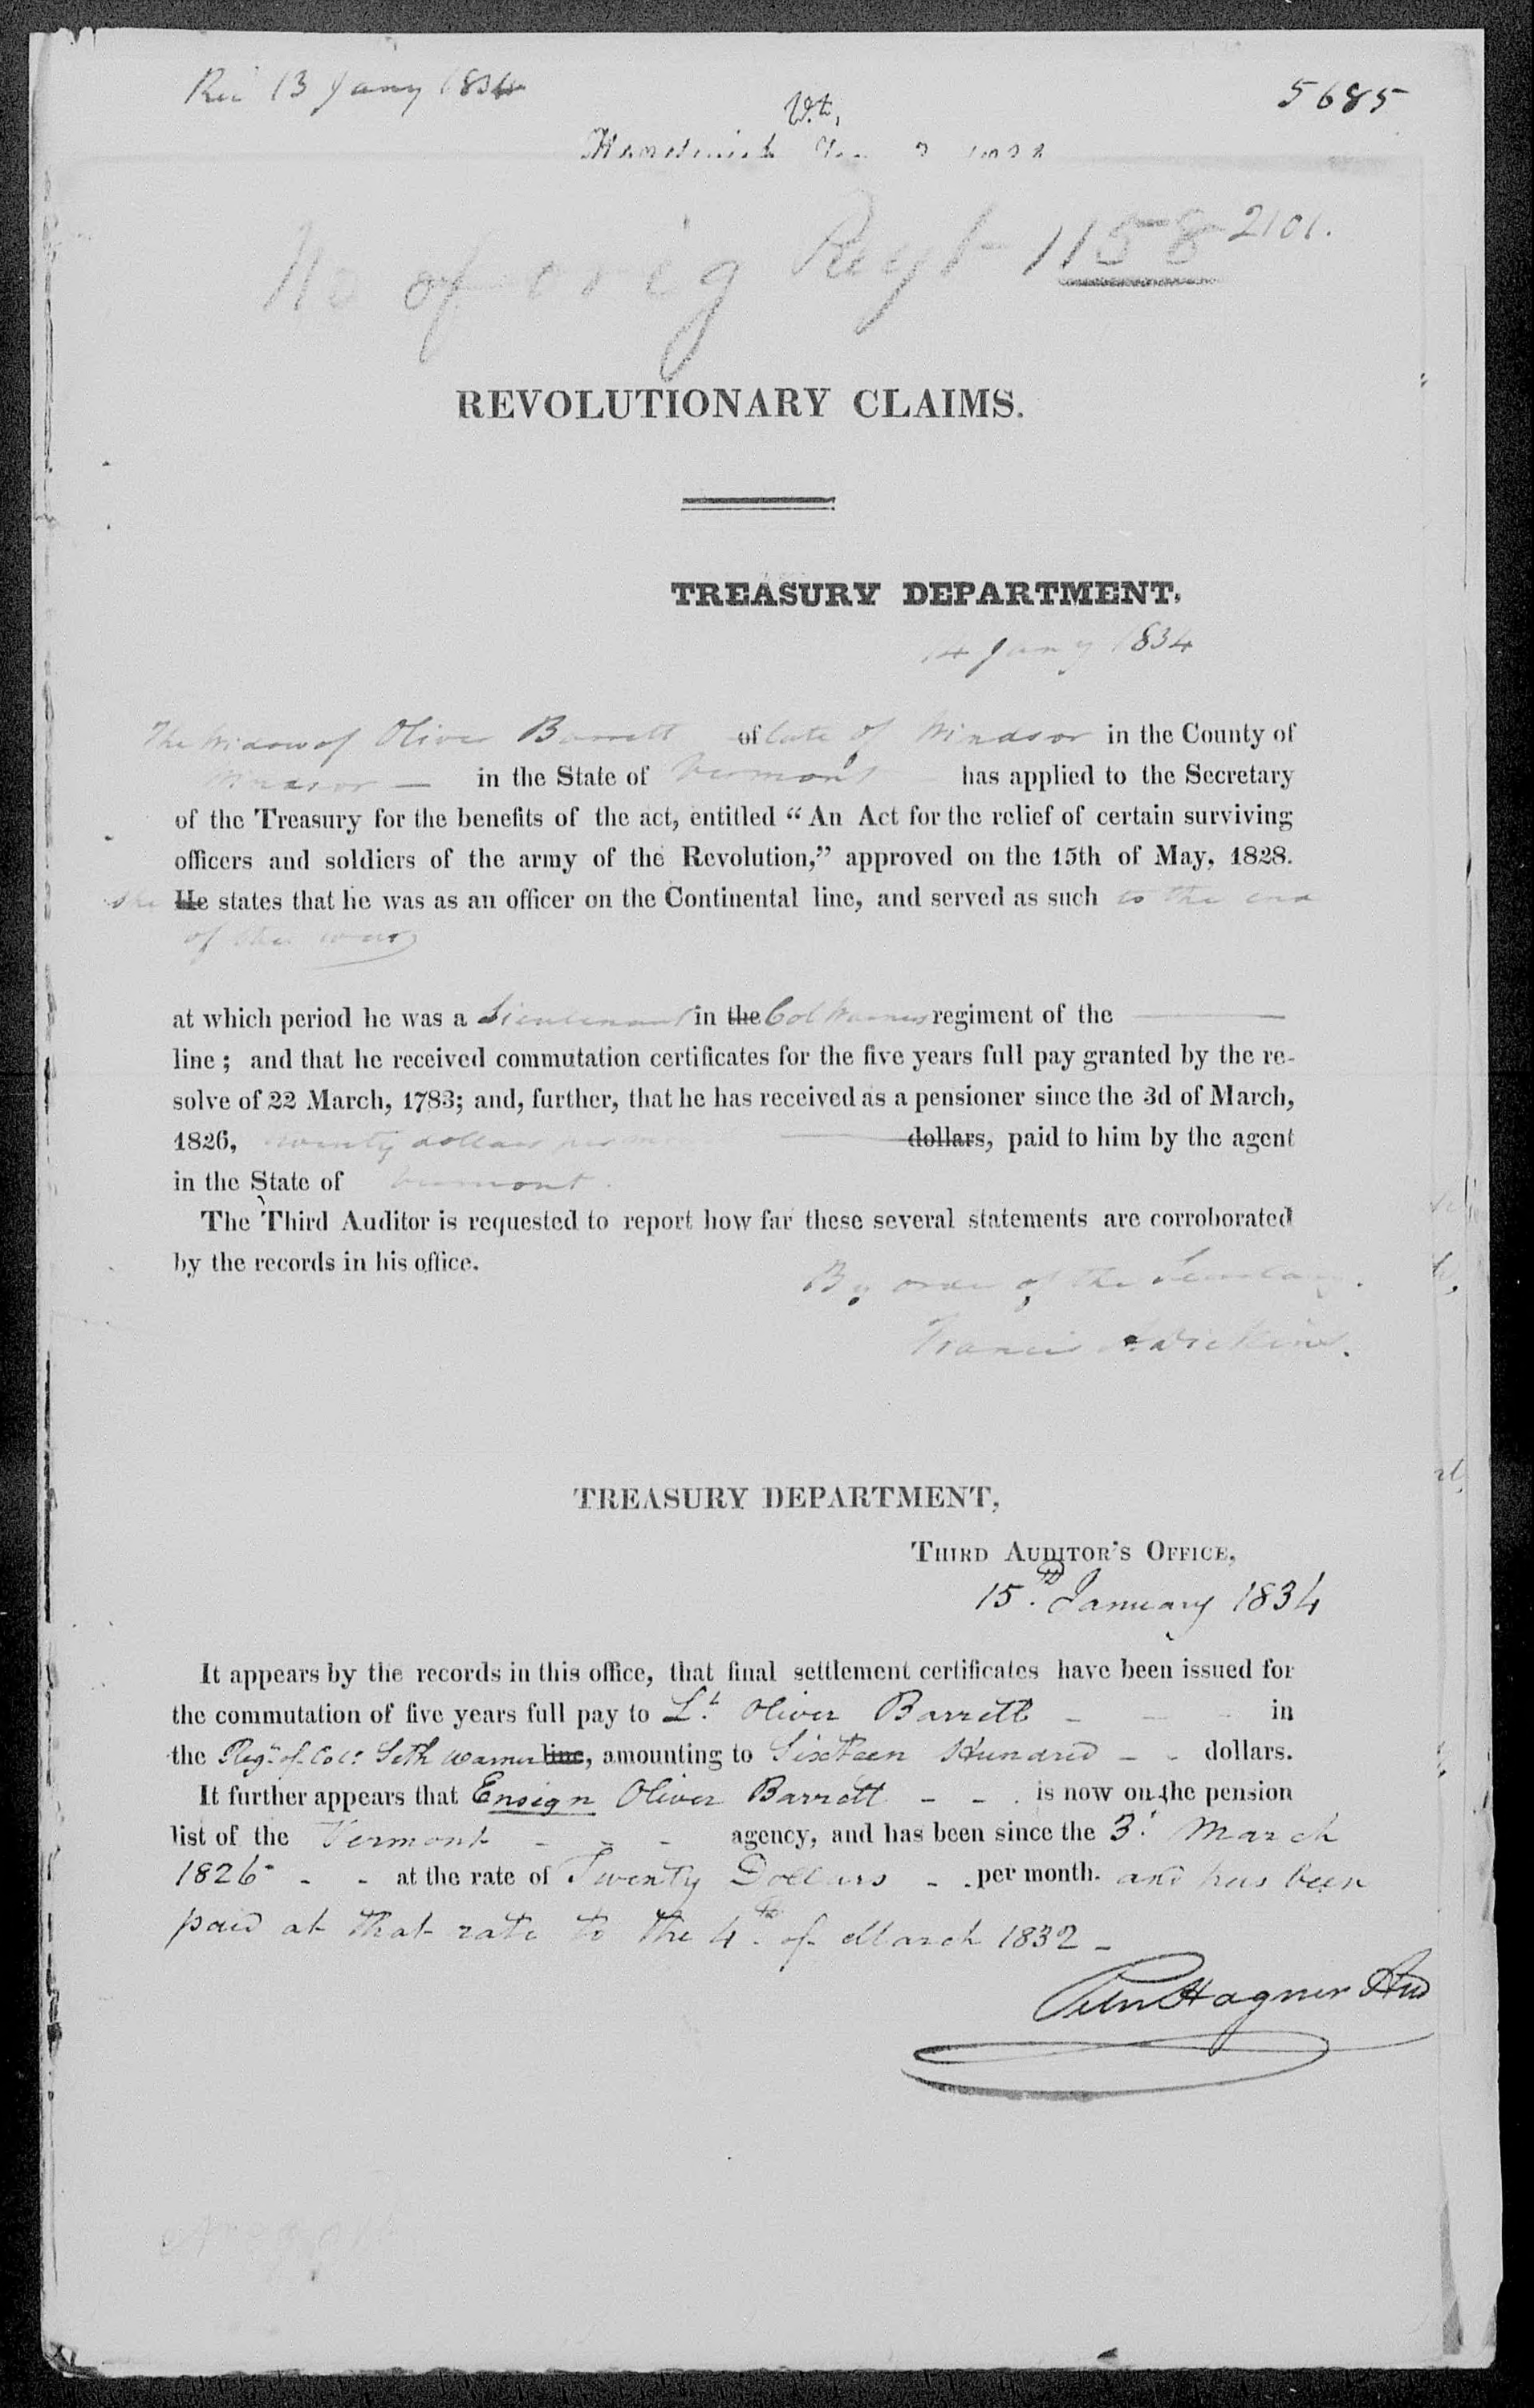Rec 13 Jany 1834

5685

Ho of orig Payt 1158 2101

Revolutionary Claims. 

Treasury Department. 
14 Jany 1834

The name of Oliver Barrett late of Windsor in the County of Windsor in the State of Vermont has applied to the Secretary of the Treasury for the benefits of the act, entitled "An Act for the relief of certain surviving officers and soldiers of the army of the Revolution," approved on the 15th of May, 1828. She states that he was an officer on the Continental line, and served as such to the end of the war 
at which period he was a Lieutenant  in Col. Warner's regiment of the lien; and that he received commutation certificates for the five years full pay granted by the resolve of 22 March 1783; and, further, that he has received as a pensioner since the 3d of March, 1826, twenty dollars, paid to him by the agent in the State of Vermont. 
The Third Auditor is requested to report how far these several statements are corroborated by the records in his office. 
By order of the Secretary
Francis Dickins

Treasury Department, 
Third Auditor's Office, 
15th January 1834

It appears by the records in this office, that final settlement certificates have been issued for the commutation of five years full pay to Lt. Oliver Barrett in the Regt of Col. Seth Warner, amounting to Sixteen hundred dollars. 
It further appears that Ensign Oliver Barrett is now on the pension list of the Vermont agency, and has been since the 3rd March 1826 at the rate of Twenty Dollars per month and has been paid at that rate to the 4th of March 1832. 
Peter Hagner Am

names: Peter Hagner, Oliver Barrett, Oliver Barrett, Seth Warner, Francis A Dickins, Oliver Barrett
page: 50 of 83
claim: widow's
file: W. 10,384, Oliver Barrett, Continental (Vt.) N.Y.